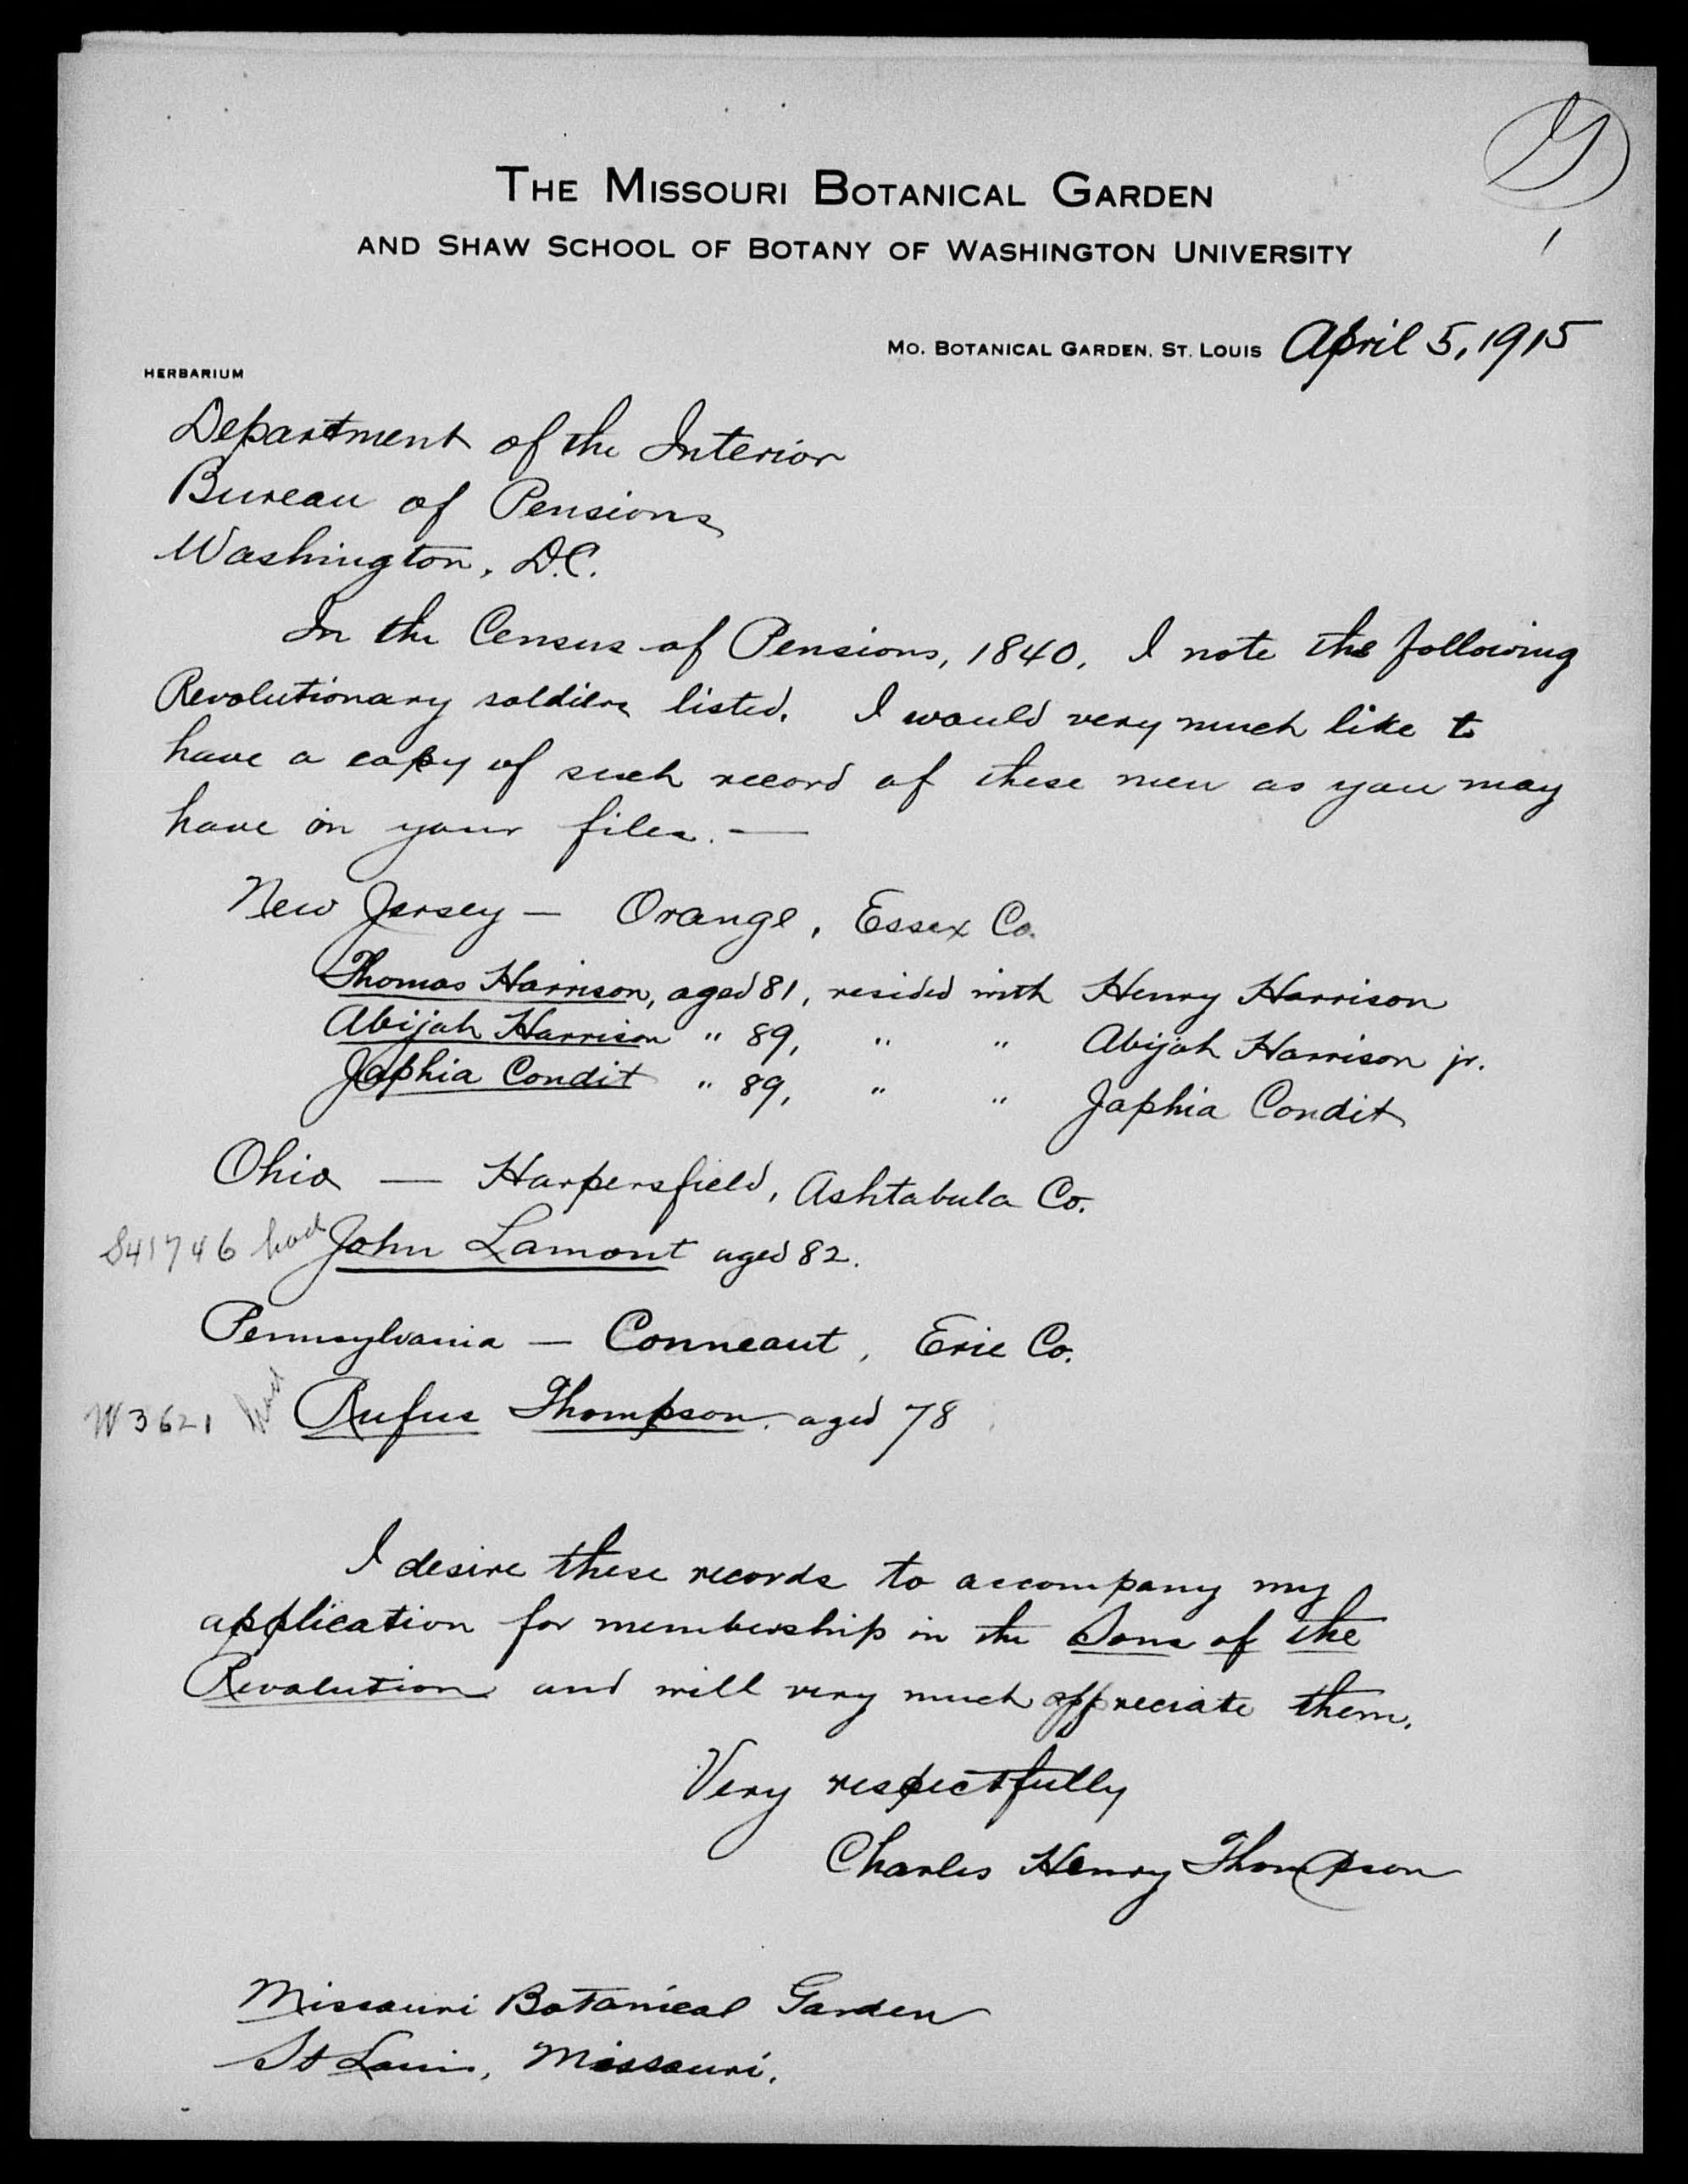THE MISSOURI BOTANICAL GARDEN
AND SHAW SCHOOL OF BOTANY OF WASHINGTON UNIVERSITY
Mo. BOTANICAL GARDEN ST. LOUIS April 5, 1915

HERBARIUM
Department of the Interior
Bureau of Pensions
Washington, D.C.
In the census of Pensions, 1840, I note the following
Revolutionary soldiers listed. I would very much like to
have a copy of such record of these men as you may
have on your files.
New Jersey - Orange, Essex Co.
Thomas Harrison, aged 81, resided with Henry Harrison
Abidjan Harrison     "   89,  "      "    Abijah Harrison Jr
Jephia Condit   " 89,    "   "   Japhia Condit

Ohio -Harpersfield, Ashtabula Co.
S41746 had [written on side] John Lamont aged 82

Pennsylvania - Conneaut, Erie Co.
W3621 had [written on side] Rufus Thompson, aged 78

I desire these records to accompany my
application for membership in the Sons of the
Revolution and will very much appreciate them.
Very respectfully
Charles Henry Thomson
Missouri Botanical Garden
St Louis, Missouri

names: Charles Henry Thompson, Rufus Thompson, Abijah Harrison, Japhia Condit, Thomas Harrison, John Lamont, Henry Harrison, Japhia Condit, Abijah Harrison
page: 10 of 15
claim: survivor's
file: S. 883, Thomas Harrison, New Jersey